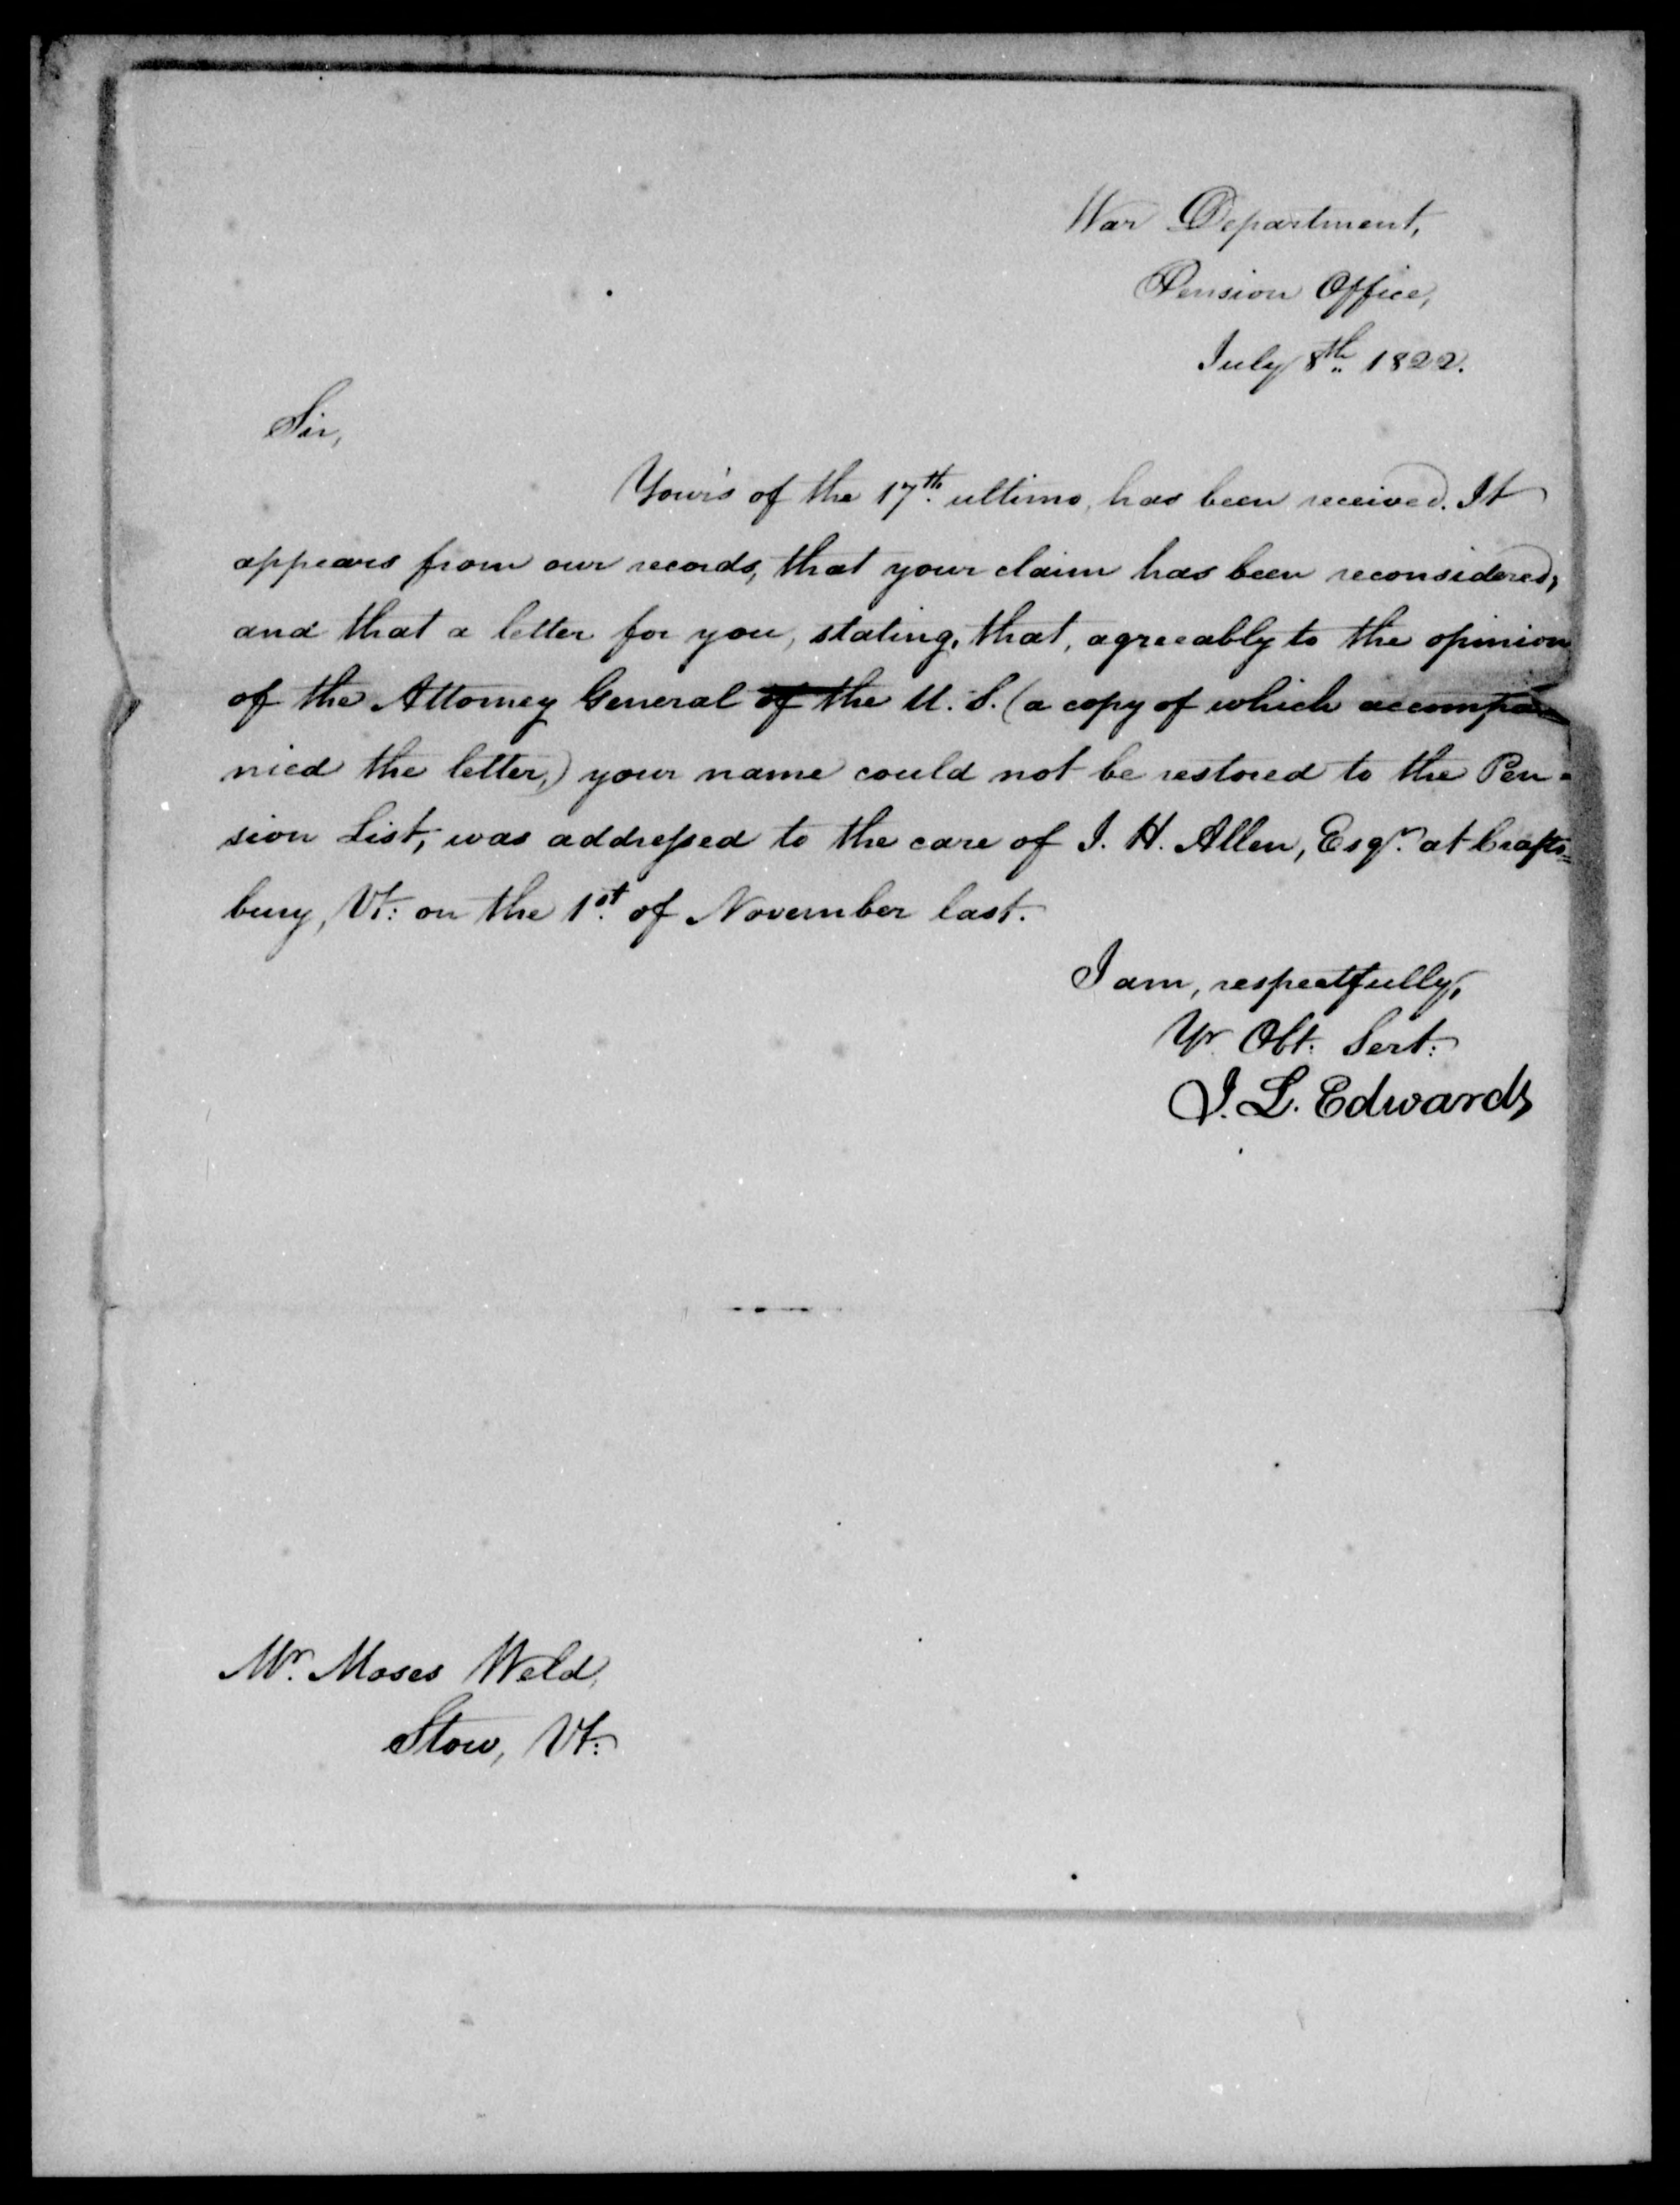War Department,
Pension Office,
July 8th 1822.

Sir,
Yours of the 17th ultimo, has been received. It
appears from our records, that your claim has been reconsidered, and that a letter for you, stating, that, agreeably to the opinion
of the Attorney General of the U.S. (a copy of which accompanied the letter), your name could not be restored to the Pension List, was addressed to the care of J.H. Allen, Esq. at Craftsbury, Vt. on the 1st of November last.
I am, respectfully,
Yr Obt Sert.
J.L. Edwards

Mr Moses Weld
Stow, Vt.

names: J H Allen, Moses Weld, J L Edwards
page: 31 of 87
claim: widow's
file: W. 25,966, Moses Weld, Mass.